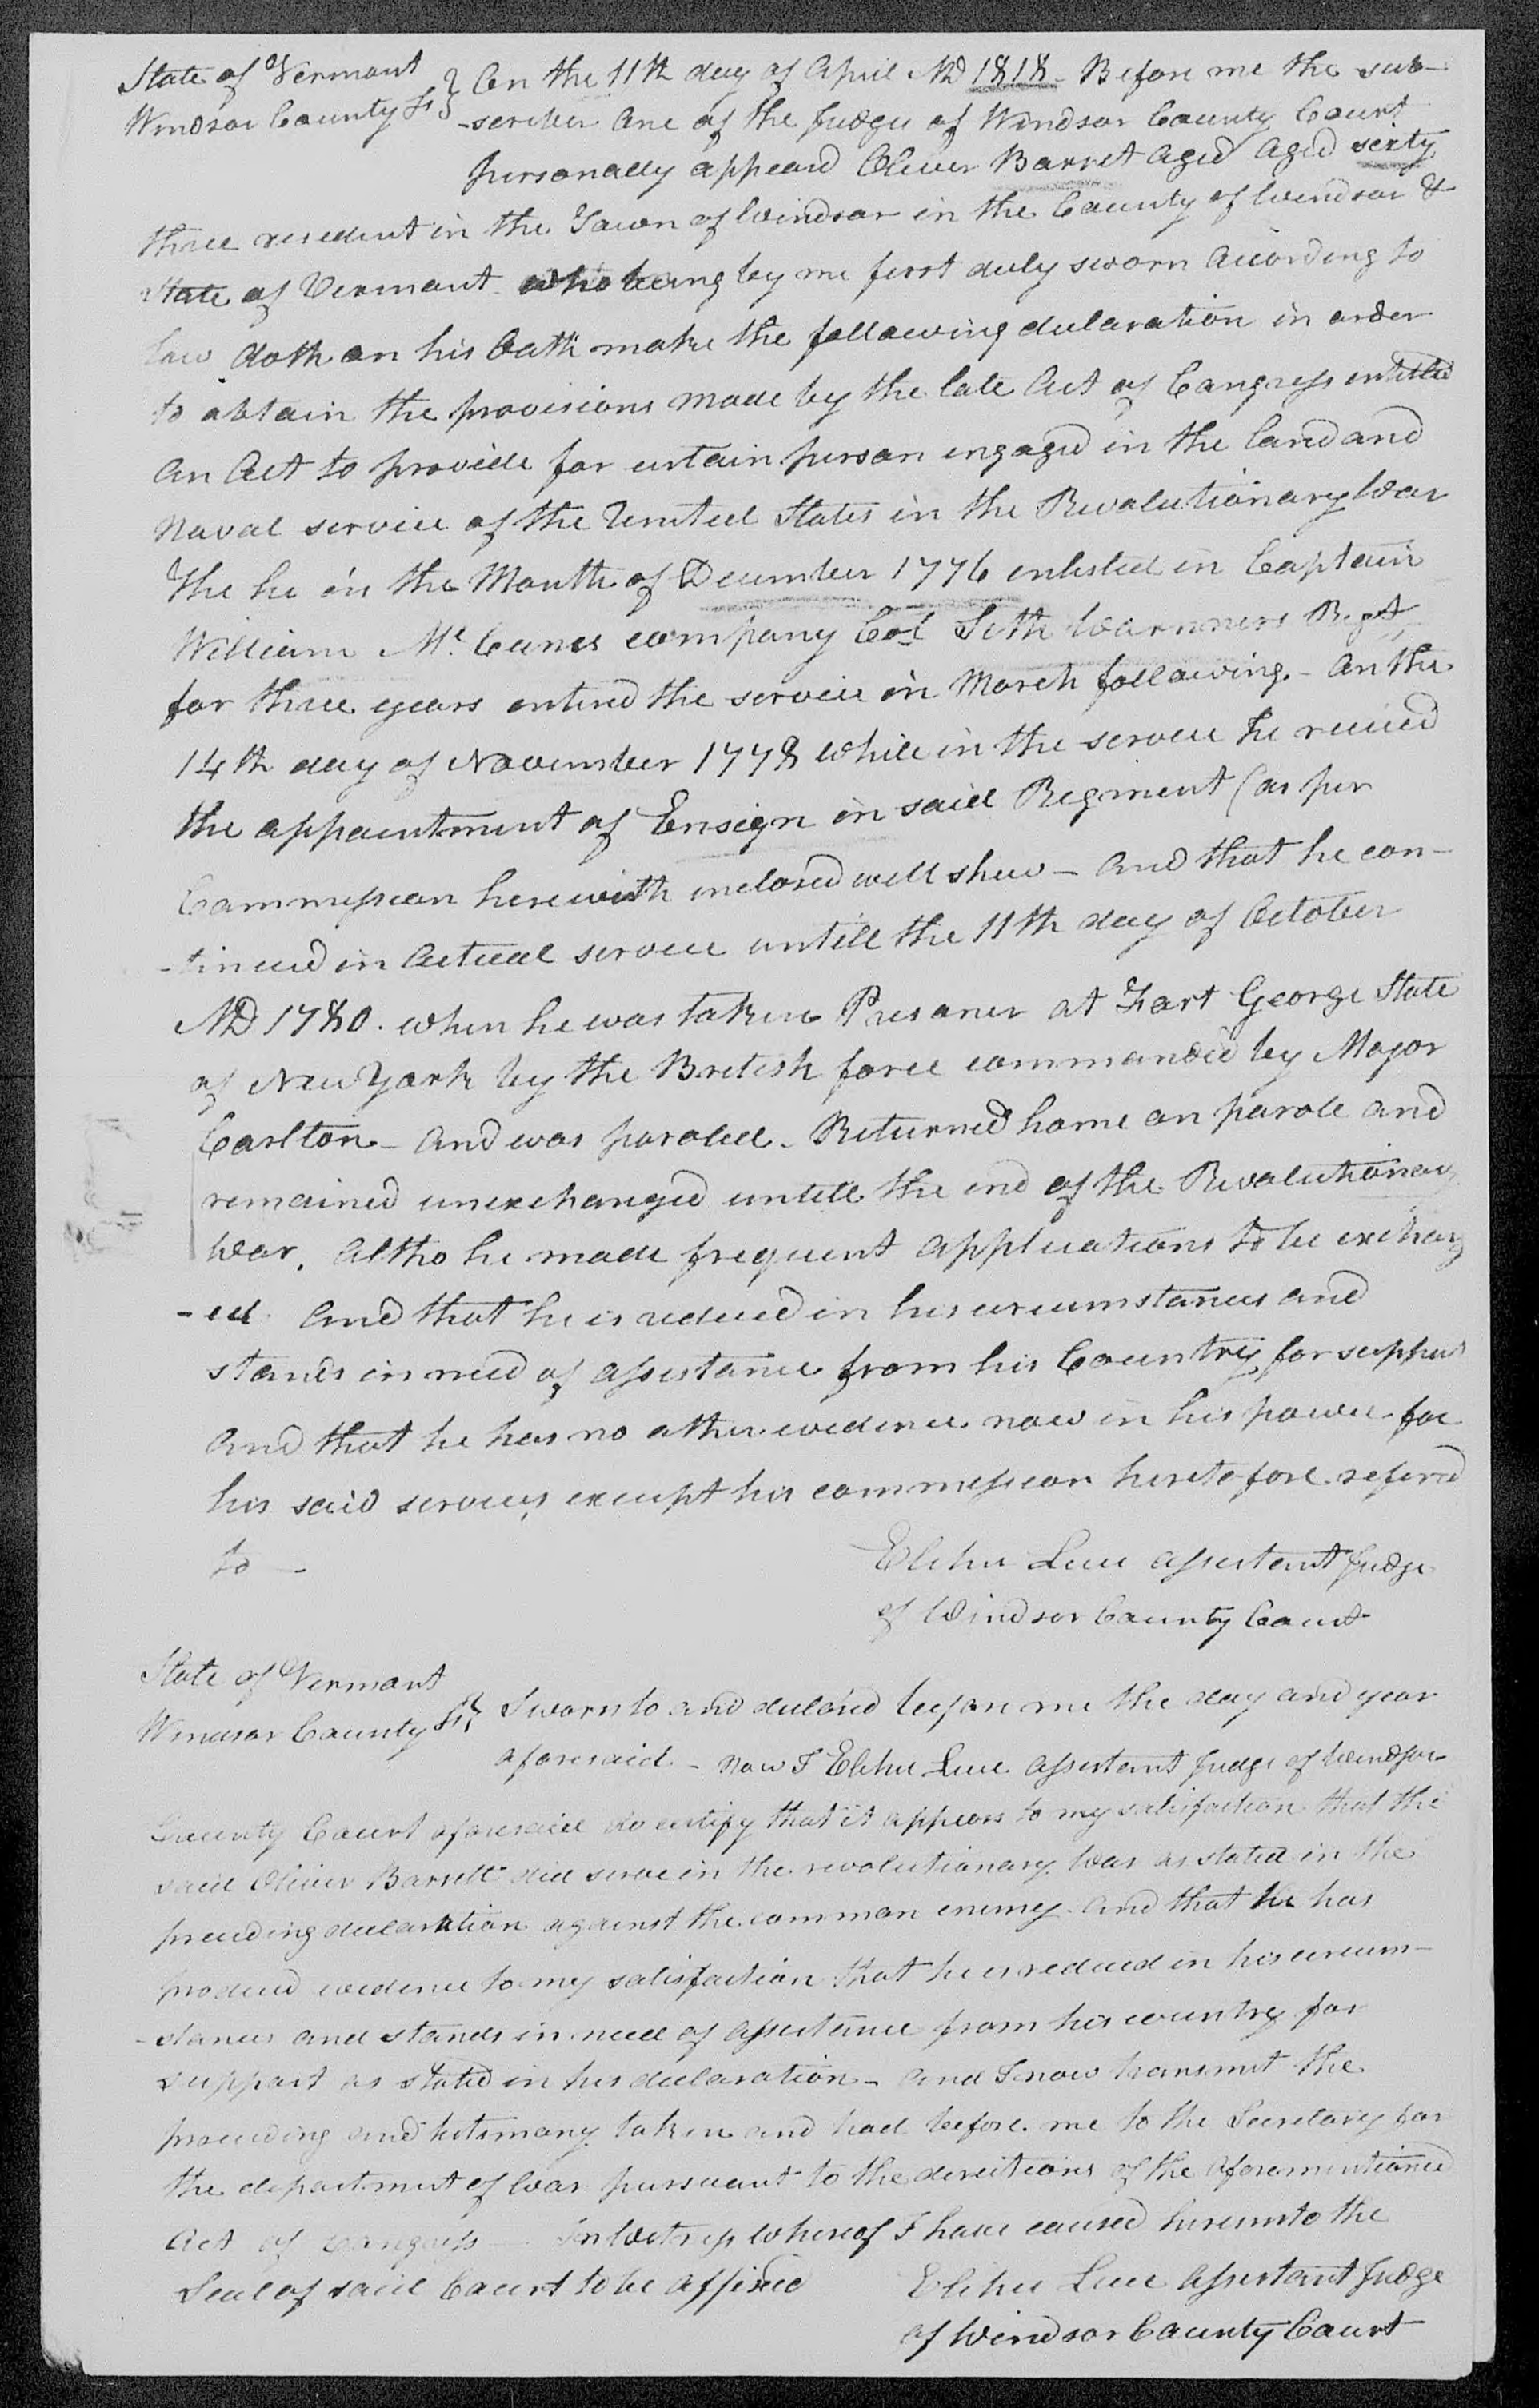State of Vermont
Windsor County ss} On the 11th day of April AD 1818, Before me the subscriber one of the Judges of Windsor County Court personally appeared Oliver Barrett aged sixty three resident in the Town of Windsor in the county of Windsor and State of Vermont who being by me first duly sworn according to law doth on his oath make the following declaration in order to obtain the provisions made by the late Act of Congress entitled An Act to Provide for certain persons engaged in the land and naval service of the United States in the Revolutionary War. That he in the month of December 1776 enlisted in Captain William McCane's company Col Seth Warner's Regt for three years entered the service in March following. On the 14th day of November 1778 while in the service he receive the appointment of ensign on said Regiment as per commission herewith enclosed will show. And that he continued in actual service until the 11th day of October A.D. 1780 when he was taken prisoner at Fort George  State of New York by the British force commanded by Major Carlton and was paroled. Returned home on parole and remained unexchanged untill the end of the Revolutionary War. Altho he made frequent application to the exchange. And that he is reduced in his circumstances and stands in need of assistance from his Country, for support and that he has no other evidence now in his power for his said services except his commission heretofore referred to. 
Elihu Luce Assistant Judge
of Windsor County Court

State of Vermont
Windsor County 
Sworn to and declared before me the day and year aforesaid now I Elihu Luce assistant Judge of Windsor County Court aforesaid do certify that is appears to my satisfaction that the said Oliver Barrett did serve in the revolutionary war as stated in the preceding declaration against the common enemy. And that he has produced evidence to my satisfaction that he is reduced in his circumstances and stands in need of assistance from his country for support as stated in his declaration. And I now transmit the preceding and testimony taken and had before me to the Secretary for the department of war pursuant to the directions of the aforementioned Act of Congress. 
In witness whereof I have caused hereunto the seal of said court to be affixed. 
Elihu Luce Assistant Judge 
of Windsor County Court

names: Oliver Barret, Oliver Barrett, Elihu Luce, Elihu Luce, Elihu Luce, Carlton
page: 3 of 83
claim: widow's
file: W. 10,384, Oliver Barrett, Continental (Vt.) N.Y.